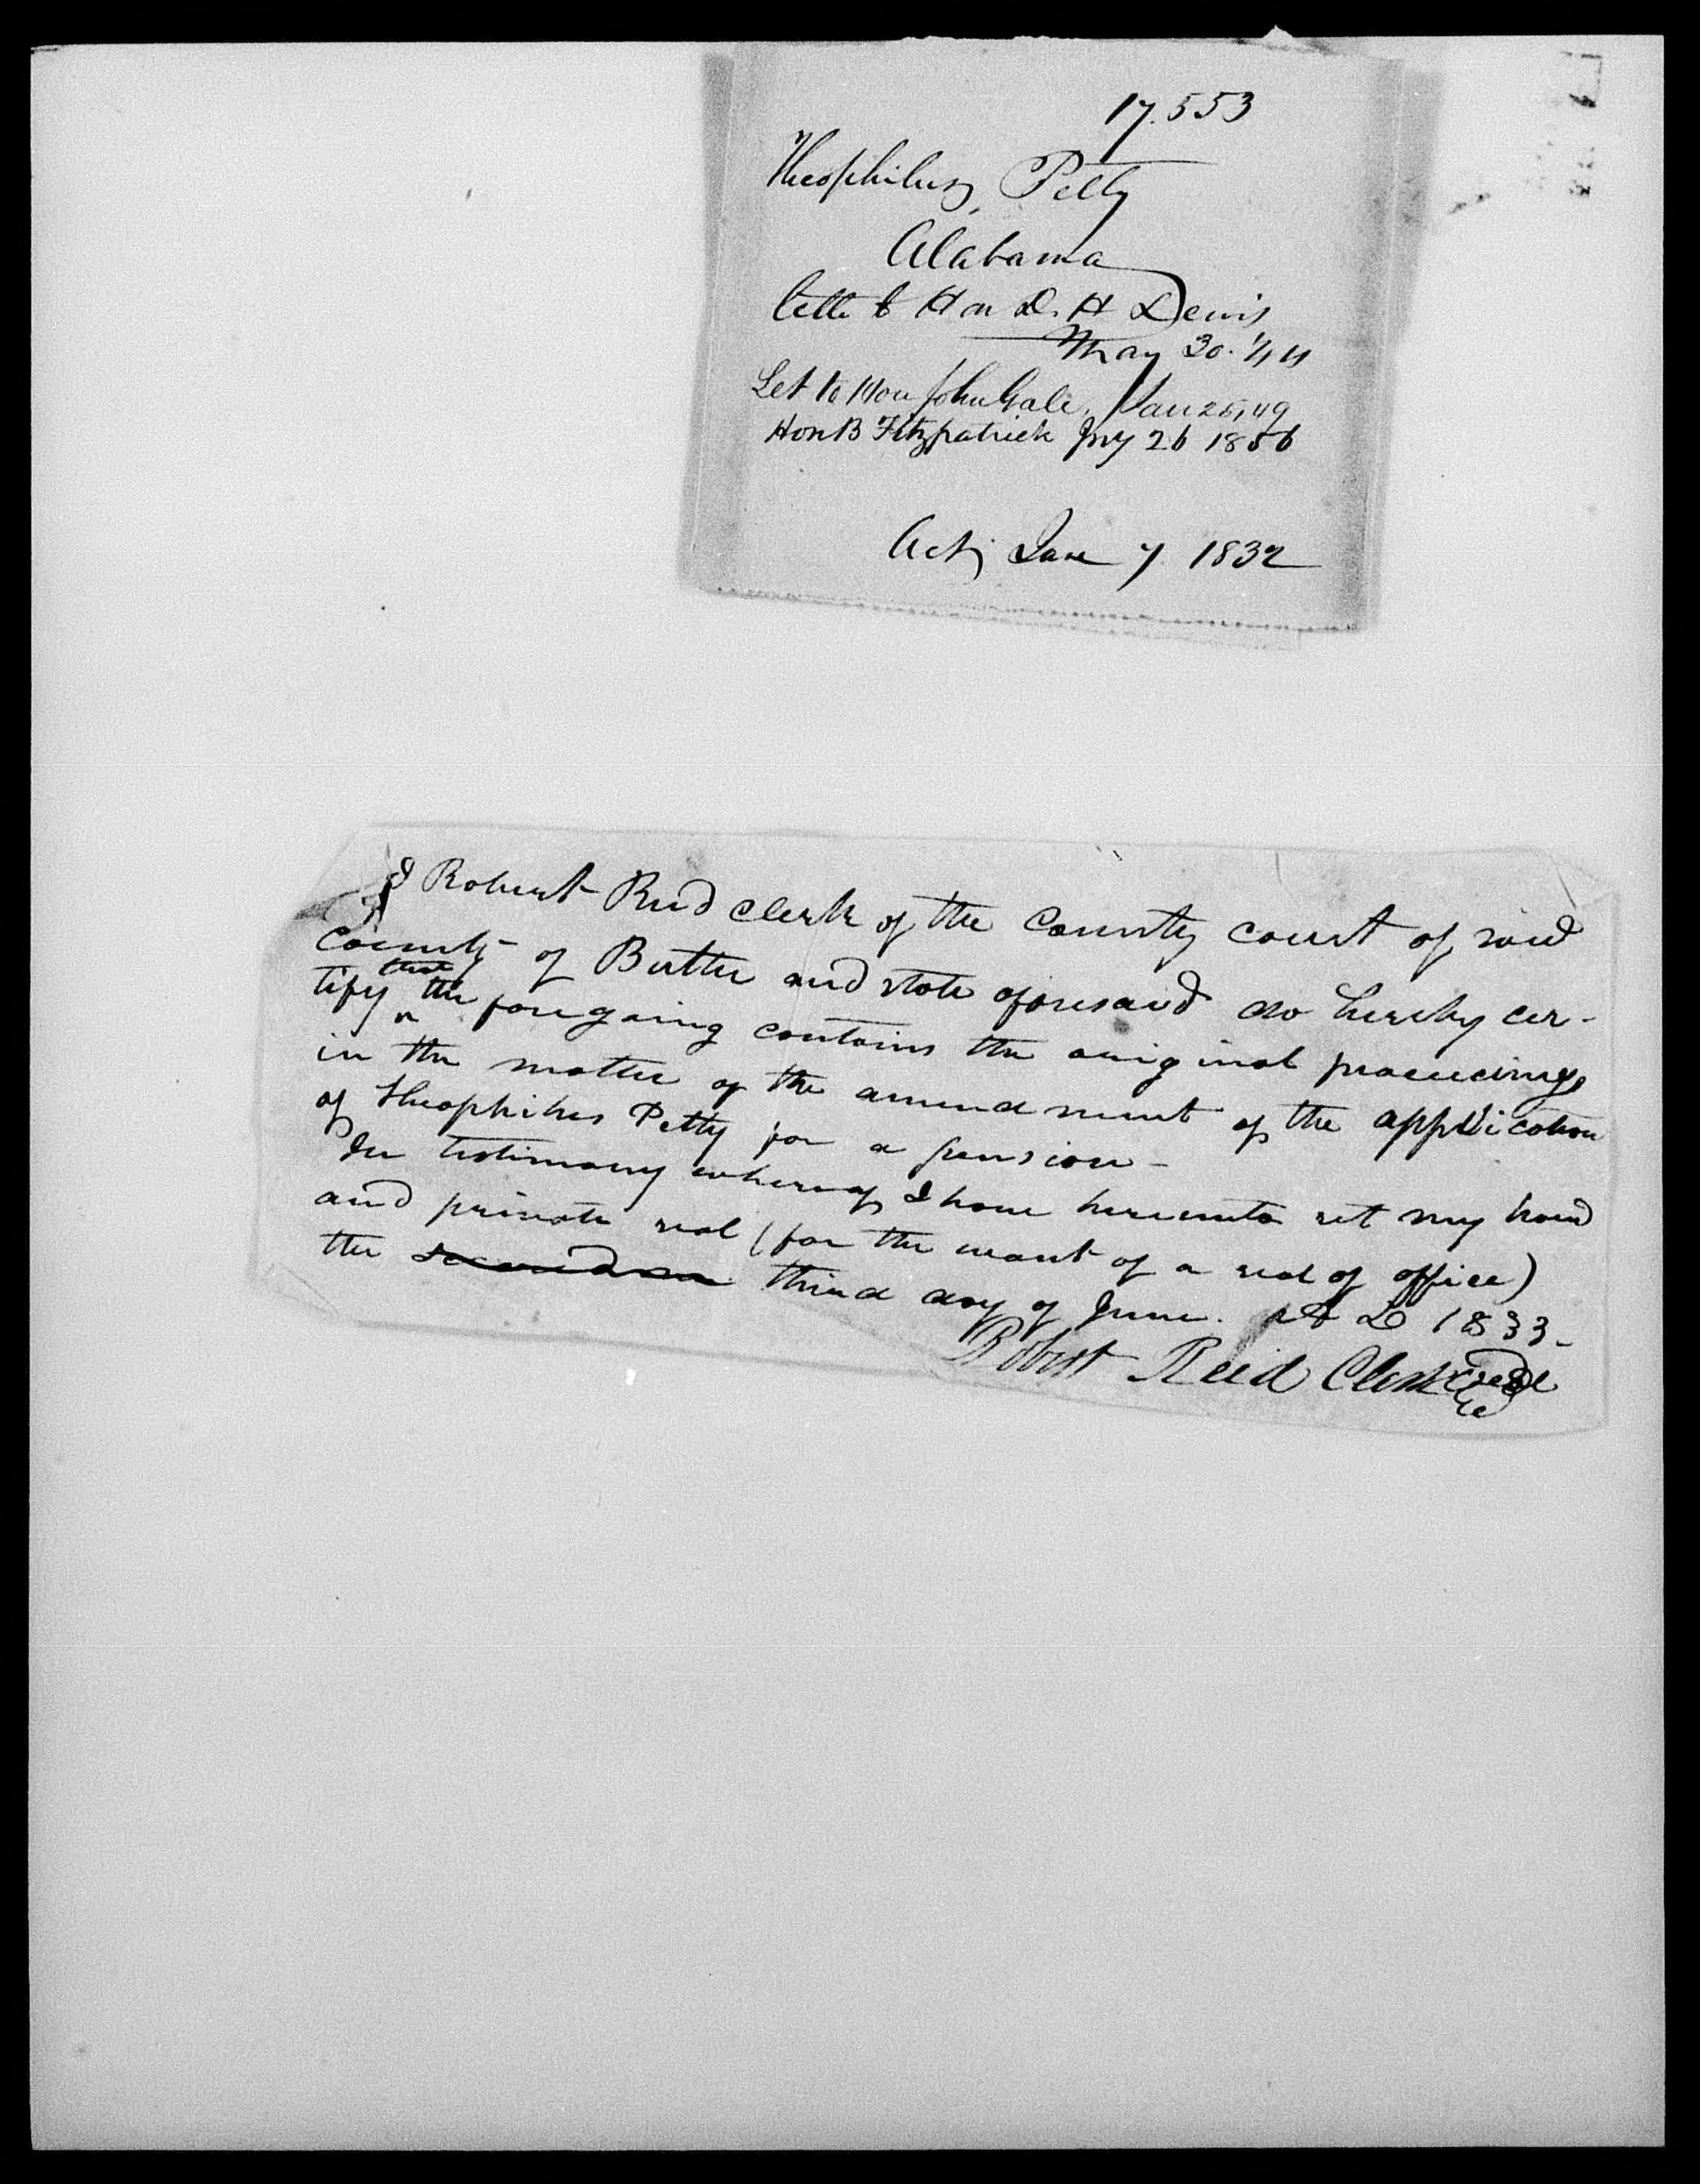I Robert Reid clerk of the county court of said county of Butler and state aforesaid do hereby certify that the forgoing contains the original proceedings in the matter of the amendment of the application of Theophilus Petty for a pension 
In testimony whereof I have hereunto set my hand and private seal (for the want of a seal of office) the third day of June AD 1833
Robert Reid clerk seal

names: D H Lewis; B Fitzpatrick; John Gale; Robert Reid; Theophilus Petty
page: 12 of 26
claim: rejected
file: R. 8,161, for Theophilus Petty, South Carolina